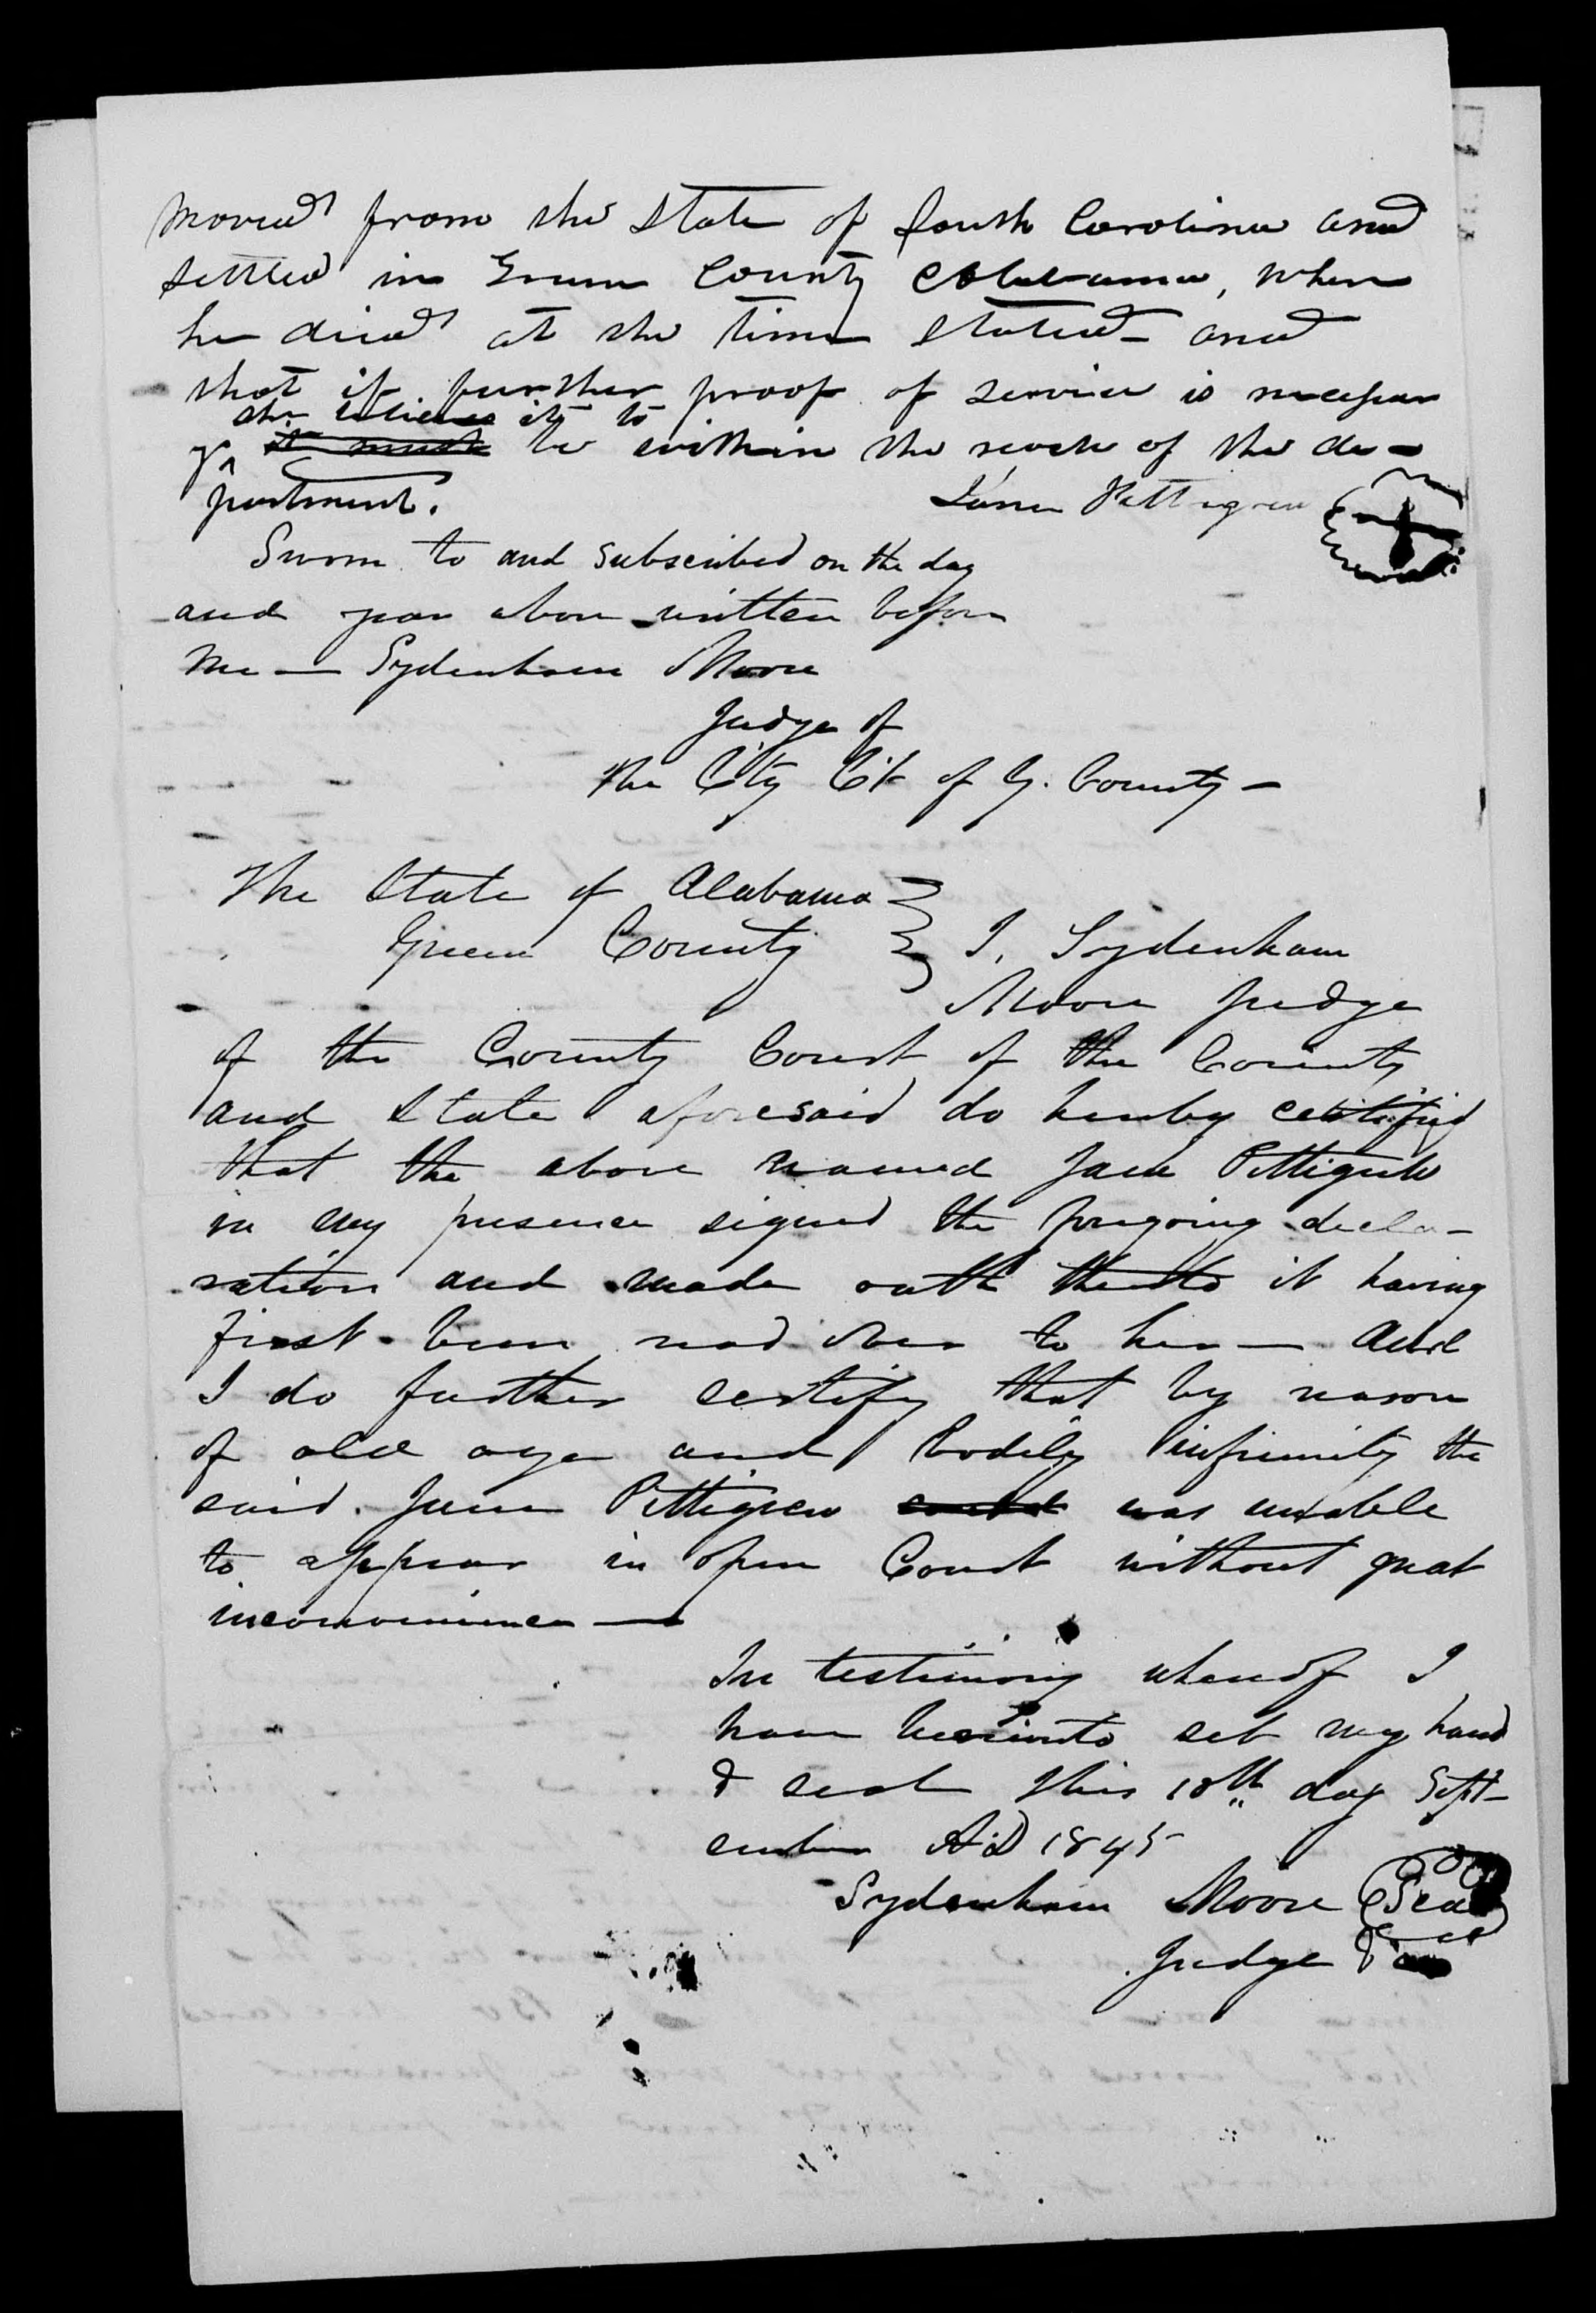moved from the State of South Carolina and settled in Eutaw County Carolina, where he died a the time stated and where in further proof of service is [illegible]^ the widow is to be within the rolls of [illegible] department.
Jane Pettigrew [seal]
Sworn to and subscribed on the day and year written before me - Sydenham Moore
Judge of the City [illegible] of G. County -

The State of Alabama
Greene County. Sydenham Moore judge of the County Court of the county and state aforesaid so hereby certify that the above named Jane Pettigrew in any presence signed the foregoing declaration and made oath that in having I do further certify that by reason by reason of old age and bodily infirmity the said Jane Pettigrew [illegible] was unable to appear in open Court without great inconvenience.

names: Jane Pettigrew; Sydenham Moore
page: 17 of 92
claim: widow's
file: W. 5522, for James Pettigrew, South Carolina